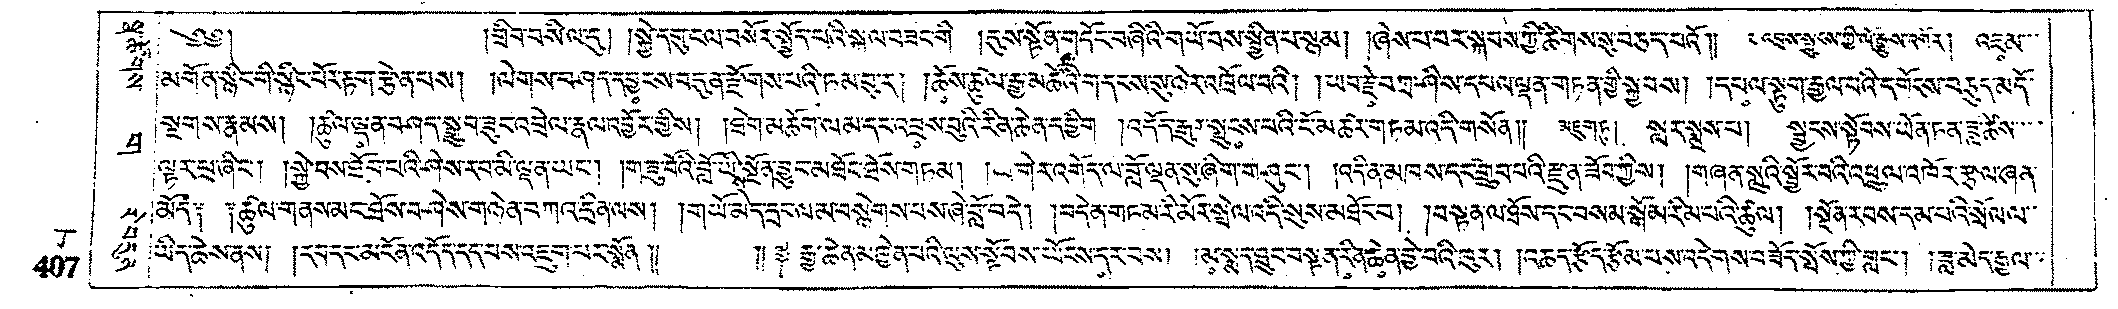༄༅། །གྲིབ་བསིལ་དུ། །སྐྱེ་དགུ་ངལ་བསོར་སྤྱོད་པའི་སྐལ་བཟང་གི །དུས་སྟོན་གདོང་བཞིའི་གཡོ་བས་སྦྱིན་པ་སྙམ། །ཞེས་པ་བར་སྐབས་ཀྱི་ཚིགས་སུ་བཅད་པའོ།། ༧འབྲས་སྤུངས་ཀྱི་ལོ་རྒྱུས་འགོར།  འཇམ྾་་་
མགོན་སྙིང་གི་སྙིང་པོར་རྟག་རྩེན་པས། །ལེགས་བཤད་དབྱངས྾་བདུན་རྫོགས་པའི་ཏམ་བུ་ར། །ཆོས྾་ཚུལ་རྒྱ་མཚོའི་གདངས་སུ་ཉེར་འཁྲོལ་བའི། །ཡབ་རྗེ྾་བཀྲ་ཤིས་དཔལ་ལྡན་གཏན་གྱི་སྐྱབས། །དཔལ྾་སྟུག་རྒྱལ་བའི་དགོངས་བཅུད་མདོ་
སྔགས་རྣམས། །ཚུལ་ལྡན྾་བཤད་སྒྲུབ་ཟུང་འབྲེལ་རྣལ་འབྱོར་གྱིས། །ཐེག་མཆོག་ལམ་དང་འབྲས྾་བུའི་རིན་ཆེན་དབྱིག །འདོད་རྒུར་སྤུངས྾་པའི་ངོ་མཚར་གཏམ་འདི་གསོན།། མཇུག་ཏུ།  སླར་སྨྲས་པ། སྦྱངས་སྟོབས་ཡོན་ཏན་ཟླ་ཚེས་་་
ལྟར་ཕྲ་ཞིང་། །སྐྱེ་བས་ཐོས་པའི་ཤེས་རབ་མི་ལྡན་ཡང་། །གཟུ་བོའི་བློ་ཡིས་སྔོན་བྱུང་མཐོང་ཐོས་གཏམ། །ཡ་གེར་འགོད་ལ་བློ་ལྡན་སུ་ཞིག་གཤུང་། །འདི་ན་མཁས་དང་གྲུབ་པའི་རྫུན་ཟོབ་ཀྱིས། །གཞན་སླུའི་སྦྱོར་བའི་འཕྲུལ་འཁོར་རྩལ་ཞན་
མོད༑ ༑ཚུལ་གནས་མང་ཐོས་བཤེས་གཉེན་བཀའ་དྲིན་ལས། །གཡོ་མེད་དྲང་ལམ་བསྙེགས་པས་ཞེ་བློ་བདེ། །བདེན་གཏམ་རི་མོར་སྤེལ་འདི་སུས་མཐོང་བ། །བསྟན་ལ་ཐོས་དང་བསམ་སྒོམ་རིམ་པའི་ཚུལ། །སྔོན་རབས་དམ་པའི་སྲོལ་ལ་་་
ཡིད་ཆེས་ནས། །རབ་དང་མངོན་འདོད་དད་པས་འཇུག་པར་སྨོན།། །། འ་རྒྱ་ཆེན་མཁྱེན་པའི་ལུས་སྟོབས་ཡོངས་དར྾་བས། །མ྾་སྨད་ཐུབ་བསྟན་རིན྾་ཆེན྾་བྱེ་བའི་ཁུར། །འཆད་རྩོད་རྩོམ་པས་འདེགས་བཟོད་སྤོས་ཀྱི་གླང་། །ཟླ་མེད་རྒྱལ་་་